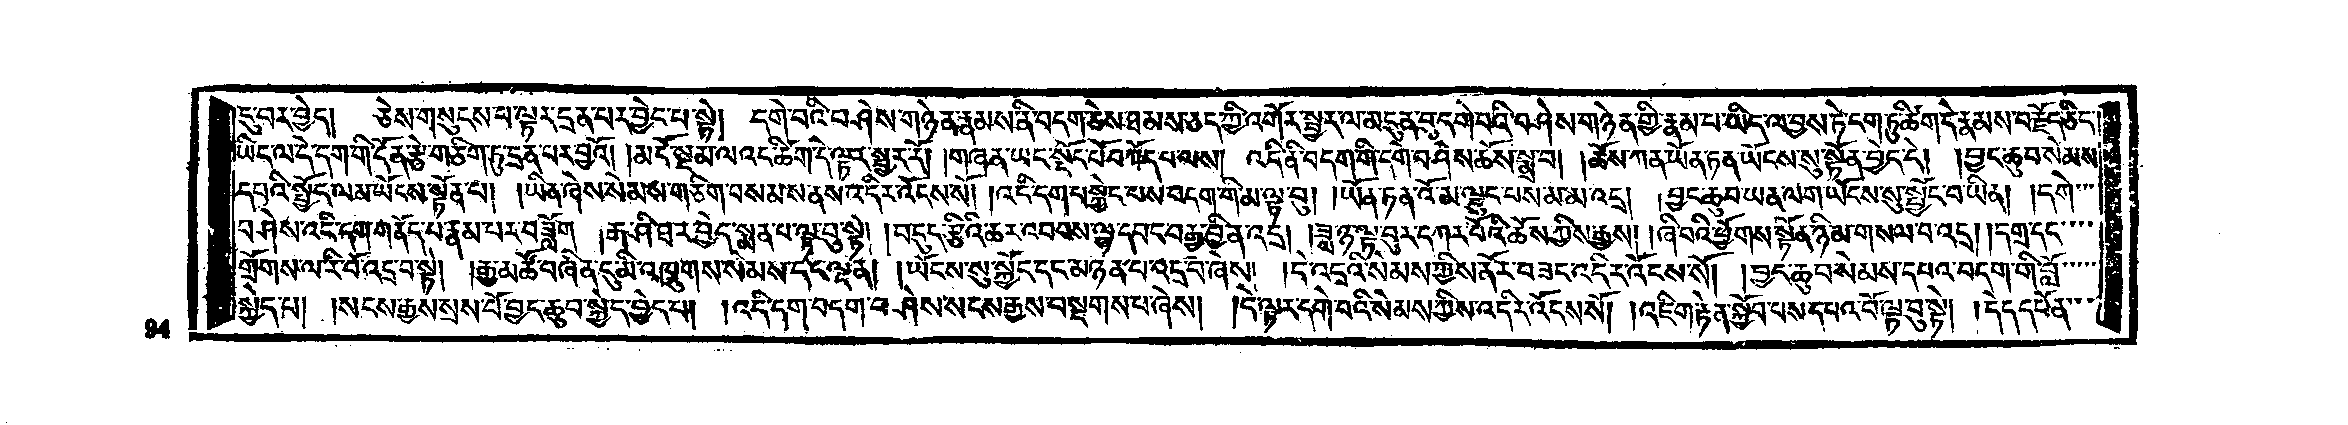དུ་བར་བྱེད། ཅེས་གསུངས་པ་ལྟར་དྲན་པར་བྱེད་པ་སྟེ། དགེ་བའི་བཤེས་གཉེན་རྣམས་ནི་བདག་ཅེས་ཐམས་ཅད་ཀྱི་འགོར་སྦྱར་ལ་མདུན་དུ་དགེ་བའི་བཤེས་གཉེན་གྱི་རྣམ་པ་ཡིད་ལ་བྱས་ཏེ་ངག་ཏུ་ཚིག་དེ་རྣམས་བརྗོད་ཅིང་
ཡིད་ལ་དེ་དག་གི་དོན་རྩེ་གཅིག་ཏུ་དྲན་པར་བྱའོ། །མདོ་སྔ་མ་ལའང་ཚིག་དེ་ལྟར་སྦྱར་རོ། །གཞན་ཡང་སྡོང་པོ་བཀོད་པ་ལས། འདི་ནི་བདག་གི་དགེ་བཤེས་ཆོས་སྨྲ་བ། །ཆོས་ཀུན་ཡོན་ཏན་ཡོངས་སུ་སྟོན་བྱེད་དེ། །བྱང་ཆུབ་སེམས་
དཔའི་སྤྱོད་ལམ་ཡོངས་སྟོན་པ། །ཡིན་ཞེས་སེམས་གཅིག་བསམས་ནས་འདིར་འོངས་སོ། །འདི་དག་བསྐྱེད་པས་བདག་གི་མ་ལྟ་བུ། །ཡོན་ཏན་འོ་མ་ལྡུད་པས་མ་མ་འདྲ། །བྱང་ཆུབ་ཡན་ལག་ཡོངས་སུ་སྦྱོང་བ་ཡིན། །དགེ་
བཤེས་འདི་དག་གནོད་པ་རྣམ་པར་བཟློག །རྒ་ཤི་ཐར་བྱེད་སྨན་པ་ལྟ་བུ་སྟེ། །བདུད་རྩིའི་ཆར་འབེབས་ལྷ་དབང་བརྒྱ་བྱིན་འདྲ། །ཟླ་ཉ་ལྟ་བུར་དཀར་པོའི་ཆོས་ཀྱིས་རྒྱས། །ཞི་བའི་ཕྱོགས་སྟོན་ཉི་མ་གསལ་བ་འདྲ། །དགྲ་དང་
གྲོགས་ལ་རི་བོ་འདྲ་བ་སྟེ། །རྒྱ་མཚོ་བཞིན་དུ་མི་འཁྲུགས་སེམས་དང་ལྡན། །ཡོངས་སུ་སྐྱོང་དང་མཉན་པ་འདྲ་བ་ཞེས། །དེ་འདྲའི་སེམས་ཀྱིས་ནོར་བཟང་འདིར་འོངས་སོ། །བྱང་ཆུབ་སེམས་དཔའ་བདག་གི་བློ་
སྐྱེད་པ། །སངས་རྒྱས་སྲས་པོ་བྱང་ཆུབ་སྐྱེད་བྱེད་པ། །འདི་དག་བདག་བཤེས་སངས་རྒྱས་བསྔགས་པ་ཞེས། །དེ་ལྟར་དགེ་བའི་སེམས་ཀྱིས་འདིར་འོངས་སོ། །འཇིག་རྟེན་སྐྱོབ་པས་དཔའ་བོ་ལྟ་བུ་སྟེ། །དེད་དཔོན་